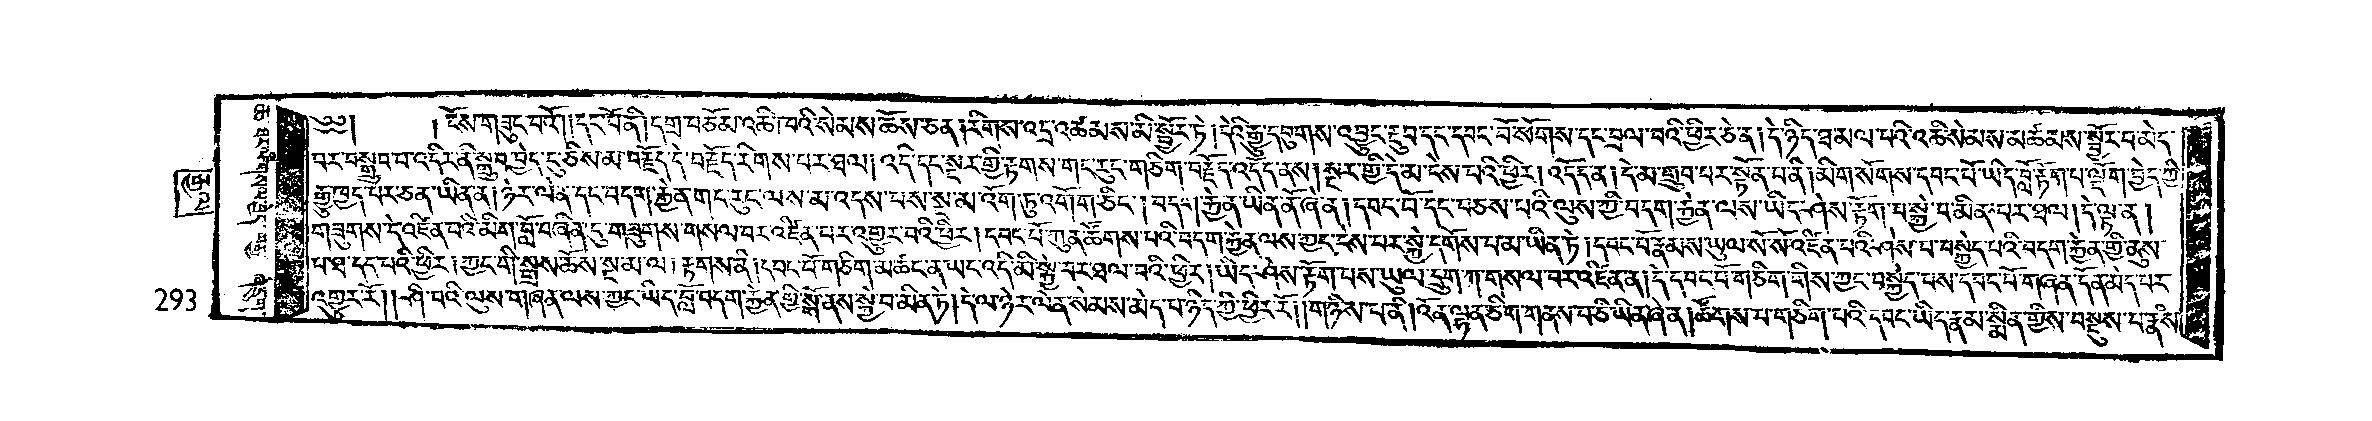༄༅། །ངོས་གཟུང་བའོ། །དང་པོ་ནི། དགྲ་བཅོམ་འཆི་ཁའི་སེམས་ཆོས་ཅན། རིགས་འདྲ་འཚམས་མི་སྦྱོར་ཏེ། དེའི་རྒྱུ་དབུགས་འབྱུང་རྔུབ་?་དང་དབང་པོ་སོགས་དང་བྲལ་བའི་ཕྱིར་ཅེ་ན། དེ་ཉིད་ཐ་མལ་པའི་འཆི་སེམས་མཚམས་སྦྱོར་བ་མེད་
པར་བསྒྲུབ་པ་འདིར་ནི་སྒྲུབ་བྱེད་དུ་ཅིས་མ་བརྗོད་དེ་བརྗོད་རིགས་པར་ཐལ། འདི་དང་སྔར་གྱི་རྟགས་གང་རུང་གཅིག་བརྗོད་འདོད་ནས། སྔར་གྱི་དེ་མ་ངེས་པའི་ཕྱིར། འདོད་ན། དེ་མ་གྲུབ་པར་སྟོན་པ་ནི། མིག་སོགས་དབང་པོ་ཡིད་བློ་རྟོག་པ་ལྡོག་བྱེད་ཀྱི་
རྒྱུ་ཁྱད་པར་ཅན་ཡིན་ན། ཉེར་ལེན་དང་བདག་རྒྱེན་གང་རུང་ལས་མ་འདས་པས་སྔ་མ་འོག་ཏུ་འགོག་ཅིང་། བདག་རྐྱེན་ཡིན་ནོ་ཞེ་ན། དབང་པོ་དང་བཅས་པའི་ལུས་ཀྱི་བདག་རྐྱེན་ལས་ཡིད་ཤེས་རྟོག་པ་སྐྱེ་བ་མིན་པར་ཐལ། དེ་ལྟ་ན།
གཟུགས་དེ་འཛིན་པའི་མིག་བློ་བཞིན་དུ་གཟུགས་གསལ་བར་འཛིན་པར་འགྱུར་བའི་ཕྱིར། དབང་པོ་ཀུན་ཚོགས་པའི་བདག་རྐྱེན་ལས་ཀྱང་ངེས་པར་སྐྱེ་དགོས་པ་མ་ཡིན་ཏེ། དབང་པོ་རྣམས་ཡུལ་སོ་སོ་འཛིན་པའི་ཤེས་པ་བསྐྱེད་པའི་བདག་རྐྱེན་གྱི་ནུས་
པ་ཐ་དད་པའི་ཕྱིར། ཀྱང་གི་སྒྲས་ཆོས་སྔ་མ་ལ། རྟགས་ནི། དབང་པོ་གཅིག་མ་ཚང་ན་ཡང་འདི་མི་སྐྱེ་བར་ཐལ་བའི་ཕྱིར། ཡིད་ཤེས་རྟོག་པས་ཡུལ་དྲུག་ཀ་གསལ་བར་འཛིན་ན། དེ་དབང་པོ་གཅིག་གིས་ཀྱང་བསྐྱེད་པས་དབང་པོ་གཞན་དོན་མེད་པར་
འགྱུར་རོ། །ཤི་བའི་ལུས་གཞན་ལས་ཀྱང་ཡིད་བློ་བདག་རྐྱེན་གྱི་སྒོ་ནས་སྐྱེ་བ་མིན་ཏེ། དེ་ལ་ཉེར་ལེན་སེམས་མེད་པ་ཉིད་ཀྱི་ཕྱིར་རོ། །གཉིས་པ་ནི། འོ་ན་ལྷན་ཅིག་གནས་པ་ཅི་ཡིན་ཞ་ན། ཚོགས་པ་གཅིག་པའི་དབང་ཡིད་རྣམ་སྨིན་གྱིས་བསྡུས་པ་རྣམས་